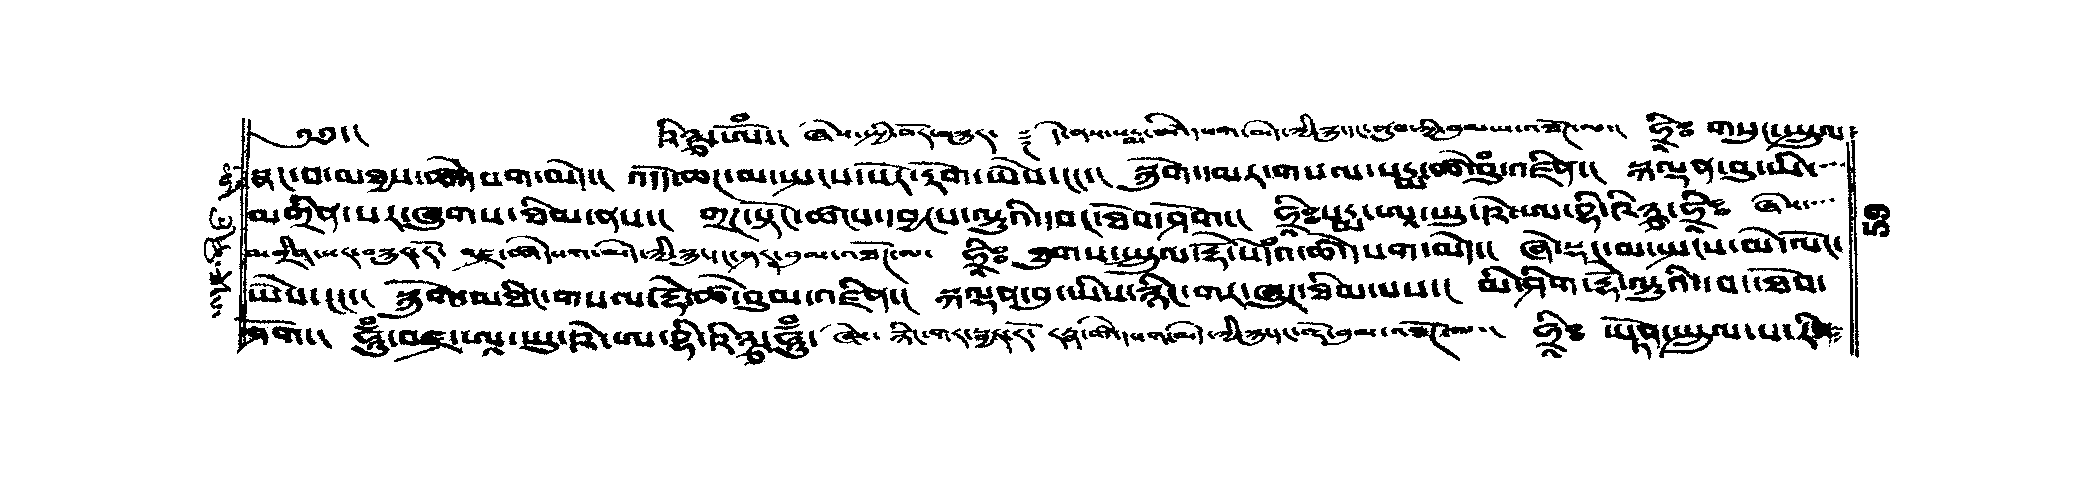རིཉྩ་ཨོཾ། ཞེས་སྤྱི་བོར་བསྐུར། ༈ དེ་ནས་པདྨ་ཚེ་དཔག་མེད་ཀྱི་སྐུ་དང་ནུབ་ཀྱི་བུམ་པ་འཐོགས་ལ། ཧྲཱིཿགསུང་སྤྲུལ་
སྣང་བ་མཐུ་རྒྱས་ཚེ་དཔག་མེད། འདོད་ཆགས་མ་སྤངས་པོར་རྟོག་ཡེ་ཤེས་ངང་། སྐུ་མདོག་དམར་གསལ་པདྨ་ཚེ་བུམ་འཛིན། སྐལ་ལྡན་བུ་ཡི་
མགྲིན་པར་ཞུགས་ཐིམ་ནས། གྲགས་སྟོང་ཚངས་དབྱངས་ལྟ་བུའི་དབང་ཐོབ་ཤོག ཧྲཱིཿཔདྨ་ཨཱ་ཡུ་རེ་ཨ་བྷི་རིཉྩ་ཧྲཱིཿ ཞེས་
མགྲིན་པར་བསྐུར་རོ། བཛྲ་ཚེ་དཔག་མེད་ཀྱི་སྐུ་དང་ཤར་བུམ་འཐོགས་ལ། ཧྲཱིཿཐུགས་སྤྲུལ་རྡོ་རྗེ་སེམས་དཔའ་ཚེ་དཔག་མེད། ཞེ་སྡང་མ་སྤངས་མེ་ལོང་
ཡེ་ཤེས་ངང་། སྐུ་མདོག་མཐིང་གསལ་རྡོ་རྗེ་བུམ་འཛིན། སྐལ་ལྡན་བུ་ཡིས་སྙིང་གར་ཞུགས་ཐིམ་པས། མི་ཤིག་རྡོ་རྗེ་ལྟ་བུའི་དབང་ཐོབ་
ཤོག ཧཱུྃ་བཛྲ་ཨཱ་ཡུ་རེ་ཨ་བྷི་རིཉྩ་ཧཱུྃ། ཞེས། སྙིང་གར་སྦྱར་རོ། རཏྣ་ཚེ་དཔག་མེད་ཀྱི་སྐུ་དང་ལྷོ་བུམ་འཐོགས་ལ། ཧྲཱིཿཡོན་ཏན་སྤྲུལ་པ་རིན་